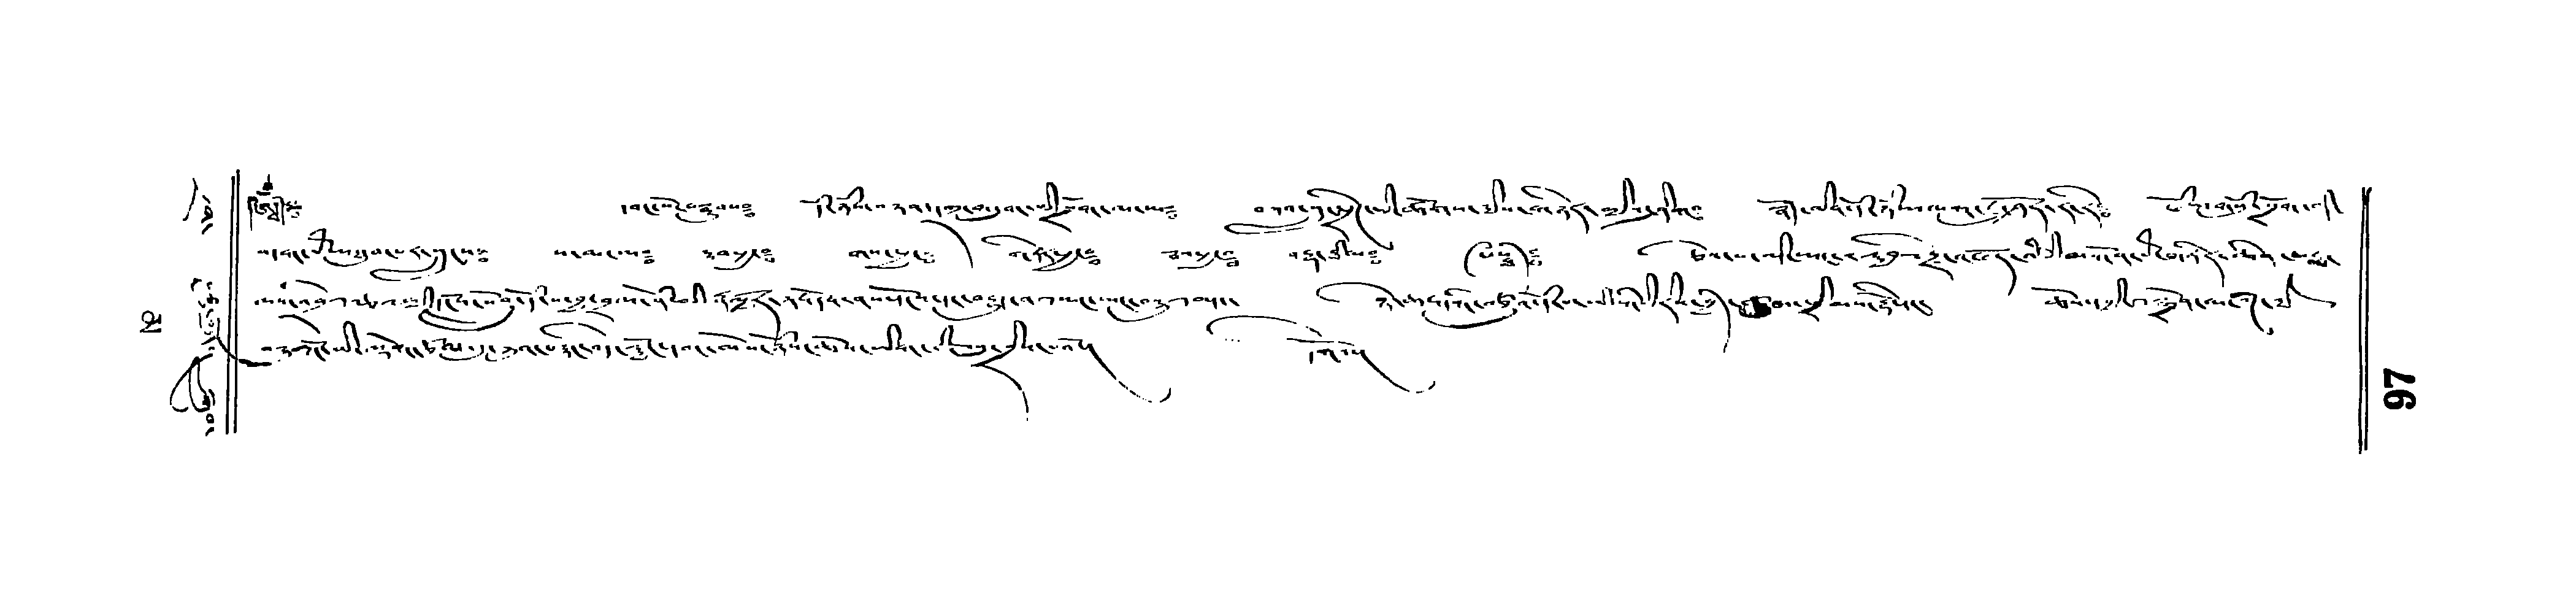དབང་པོ་བསྣུབས༔ དམ་ཉམས་བསྟན་དགྲ་གདུག་པའི་སྲོག་ལ་ཡ༔ བཀའ་སྲུང་དྲེགས་པའི་ཚོགས་ཀྱིས་གཉེར་གྱིས་ཤིག༔ སྣོད་མིན་དམ་ཉམས་ལག་ཏུ་ཤོར་ར་རེ༔ ཁམས་གསུམ་སྲོག་གི་
བདག་པོས་ཐུབ་པར་སྲུངས༔ ས་མ་ཡ༔ ཟབ་རྒྱ༔ གསང་རྒྱ༔ གཏེར་རྒྱ༔ སྦས་རྒྱ༔ བརྡ་ཐིམ༔ ༔ ཅེས་པ་འདི་ཡང་སྐྱབས་རྗེ་འཁོར་ལོའི་མགོན་པོ་གཏེར་ཆེན་པདྨ་
ལས་འབྲེལ་རྩལ་གྱི་དངོས་སློབ་དམ་པ་བྱ་བྲལ་ནམ་མཁའི་རྣལ་འབྱོར་ཀར་དོན་ནས་དངོས་དང་བརྒྱུད་ནས་ཡང་ཡང་བསྐུལ་བ་དང་། ཉེ་ཆར་དགེ་བཙུན་དམ་པ་ཡི་གེའི་རིས་བྱེད་ཚུལ་ཁྲིམས་རྡོ་རྗེ་དང་། ཆོས་དབྱིངས་སྒྲོན་མ་སོགས་ཀྱིས་
བསྐུལ་ངོ་མི་ལྡོག་ཙམ་དུ་ཀུན་བཟང་བདེ་སྐྱོང་དབང་མོས་ཉམས་ཆོས་ཡིག་རིས་སུ་བྲིས་པའོ།། དགེའོ།།